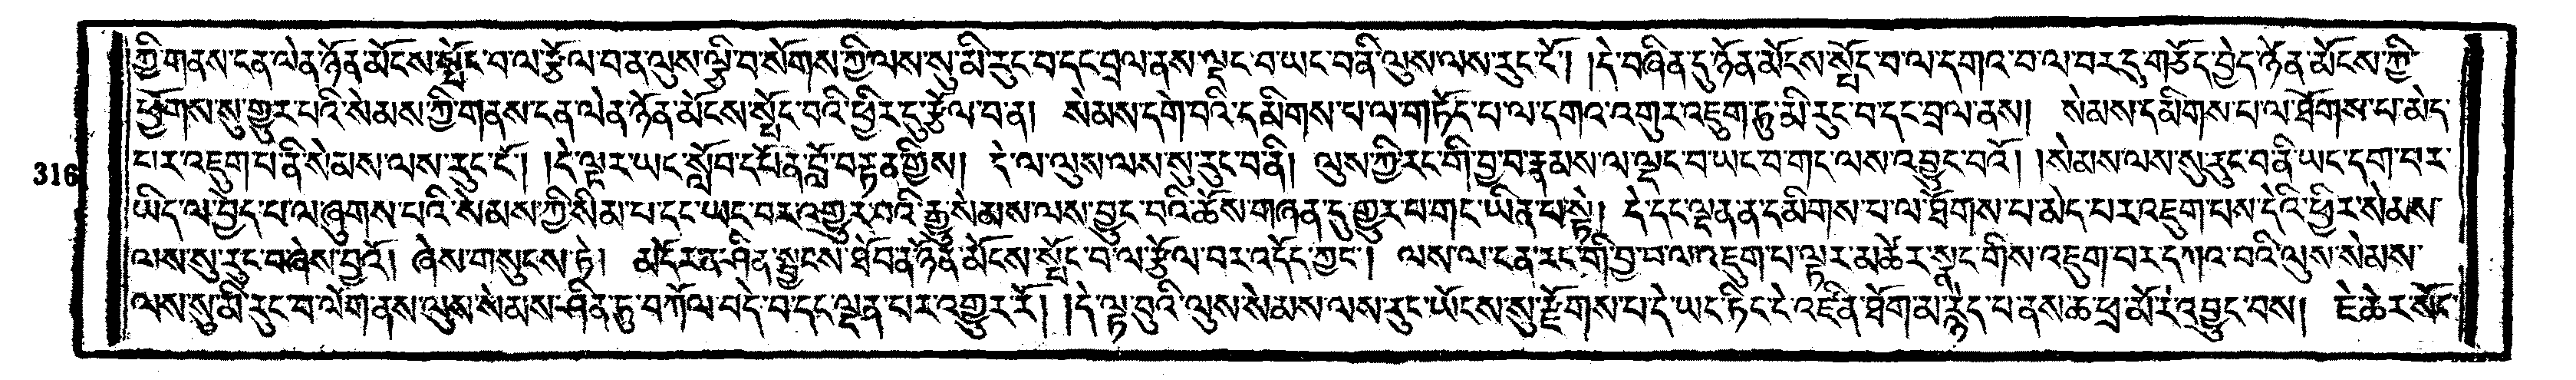ཀྱི་གནས་ངན་ལེན་ཉོན་མོངས་སྤོང་བ་ལ་རྩོལ་བ་ན་ལུས་ལྕི་བ་སོགས་ཀྱི་ལས་སུ་མི་རུང་བ་དང་བྲལ་ནས་ལྡང་བ་ཡང་བ་ནི་ལུས་ལས་རུང་ངོ། །དེ་བཞིན་དུ་ཉོན་མོངས་སྤོང་བ་ལ་དགའ་བ་ལ་བར་དུ་གཅོད་བྱེད་ཉོན་མོངས་ཀྱི་
ཕྱོགས་སུ་གྱུར་པའི་སེམས་ཀྱི་གནས་ངན་ལེན་ཉོན་མོངས་སྤོང་བའི་ཕྱིར་དུ་རྩོལ་བ་ན། སེམས་དགེ་བའི་དམིགས་པ་ལ་གཏོང་བ་ལ་དགའ་འགུར་འཇུག་ཏུ་མི་རུང་བ་དང་བྲལ་ནས། སེམས་དམིགས་པ་ལ་ཐོགས་པ་མེད་
པར་འཇུག་པ་ནི་སེམས་ལས་རུང་ངོ། །དེ་ལྟར་ཡང་སློབ་དཔོན་བློ་བརྟན་གྱིས། དེ་ལ་ལུས་ལས་སུ་རུང་བ་ནི། ལུས་ཀྱི་རང་གི་བྱ་བ་རྣམས་ལ་ལྡང་བ་ཡང་བ་གང་ལས་འབྱུང་བའོ། །སེམས་ལས་སུ་རུང་བ་ནི་ཡང་དག་པར་
ཡིད་ལ་བྱེད་པ་ལ་ཞུགས་པའི་སེམས་ཀྱི་སིམ་པ་དང་ཡང་བར་འགྱུར་བའི་རྒྱུ་སེམས་ལས་བྱུང་བའི་ཆོས་གཞན་དུ་གྱུར་པ་གང་ཡིན་པ་སྟེ། དེ་དང་ལྡན་ན་དམིགས་པ་ལ་ཐོགས་པ་མེད་པར་འཇུག་པས་དེའི་ཕྱིར་སེམས་
ལས་སུ་རུང་བ་ཞེས་བྱའོ། ཞེས་གསུངས་ཏེ། མདོར་ན་ཤིན་སྦྱངས་ཐོབ་ན་ཉོན་མོངས་སྤོང་བ་ལ་རྩོལ་བར་འདོད་ཀྱང་། ལས་ལ་ངན་རང་གི་བྱ་བ་ལ་འཇུག་པ་ལྟར་མཚེར་སྣང་གིས་འཇུག་པར་དཀའ་བའི་ལུས་སེམས་
ལས་སུ་མི་རུང་བ་ལོག་ནས་ལུས་སེམས་ཤིན་ཏུ་བཀོལ་བདེ་བ་དང་ལྡན་པར་འགྱུར་རོ། །དེ་ལྟ་བུའི་ལུས་སེམས་ལས་རུང་ཡོངས་སུ་རྫོགས་པ་དེ་ཡང་ཏིང་ངེ་འཛིན་ཐོབ་མ་རྙེད་པ་ནས་ཆ་ཕྲ་མོ་རེ་འབྱུང་བས། ཇེ་ཆེར་སོང་